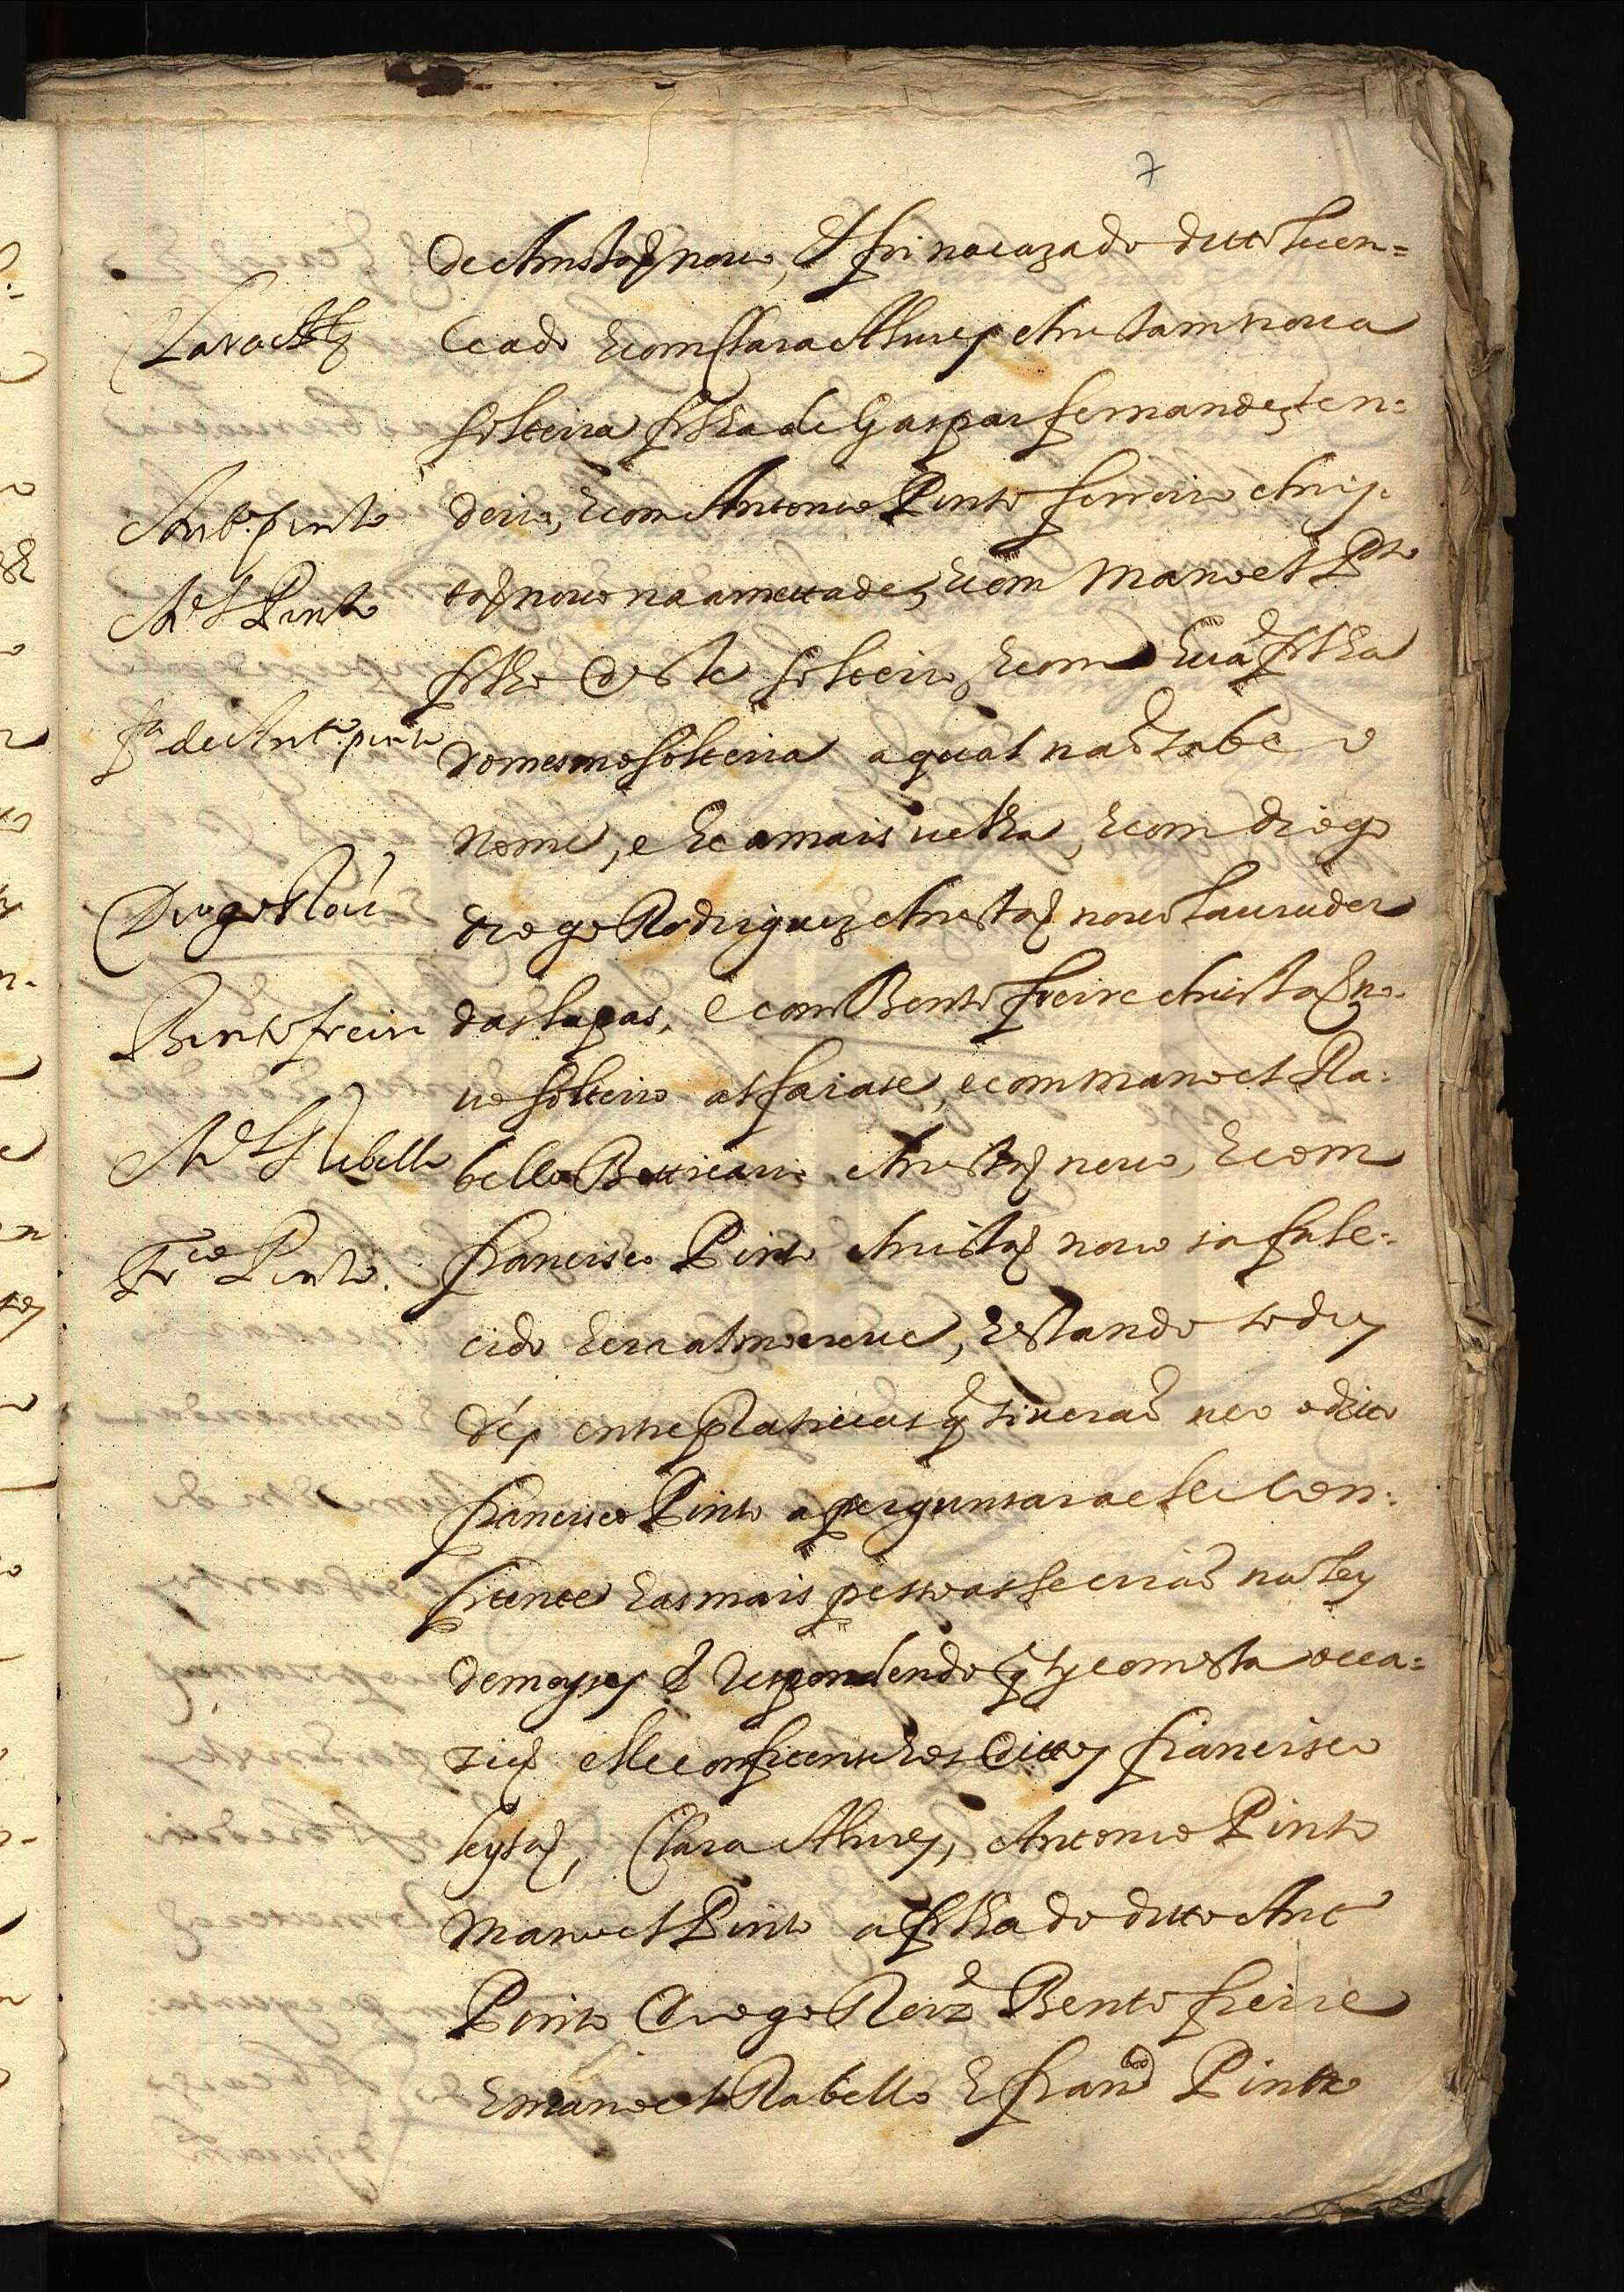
de christaõ nouo, & foi na caza do ditto lecen
ceado E com Clara Alures christam noua
CLara Alz̄
solteira filha de Gaspar fernandez ten
deiro, E com Antonio Pinto ferreiro chris
Anto. pinto
taõ nouo na amettade, E com manoel Pto
Mel Pinto
filho deste solteiro, E com huā filha
fa de Anto. pinto
do mesmo solteira a qual não sabe o
nome, e he a mais uelha, E com diogo
Diogo Roiz̄
diogo Rodriguez christaõ nouo Laurador
Bento freire
das lapas, e com Bento freire christaõ no
uo solteiro alfaiate, e com manoel Ra
Mel Rebello
bello Botticario christaõ nouo, E com
Fr.co Pinto.
francisco Pinto christaõ nouo ia fale
cido E era almocreue, E estando todos
dés entre praticas q̄ tiueraõ ueo o ditto
francisco Pinto a perguntar a ele con
fitente E as mais pessoas se criaõ na ley
de moyses e Respondendo q̄ sy com esta occa
ziaõ elle confitente E os dittos francisco
leytaõ, Clara Alures, Antonio Pinto
manoel Pinto a filha do ditto Anto
Pinto diogo Roiz̄ Bento freire
E manoel Rabello E franco Pintto
